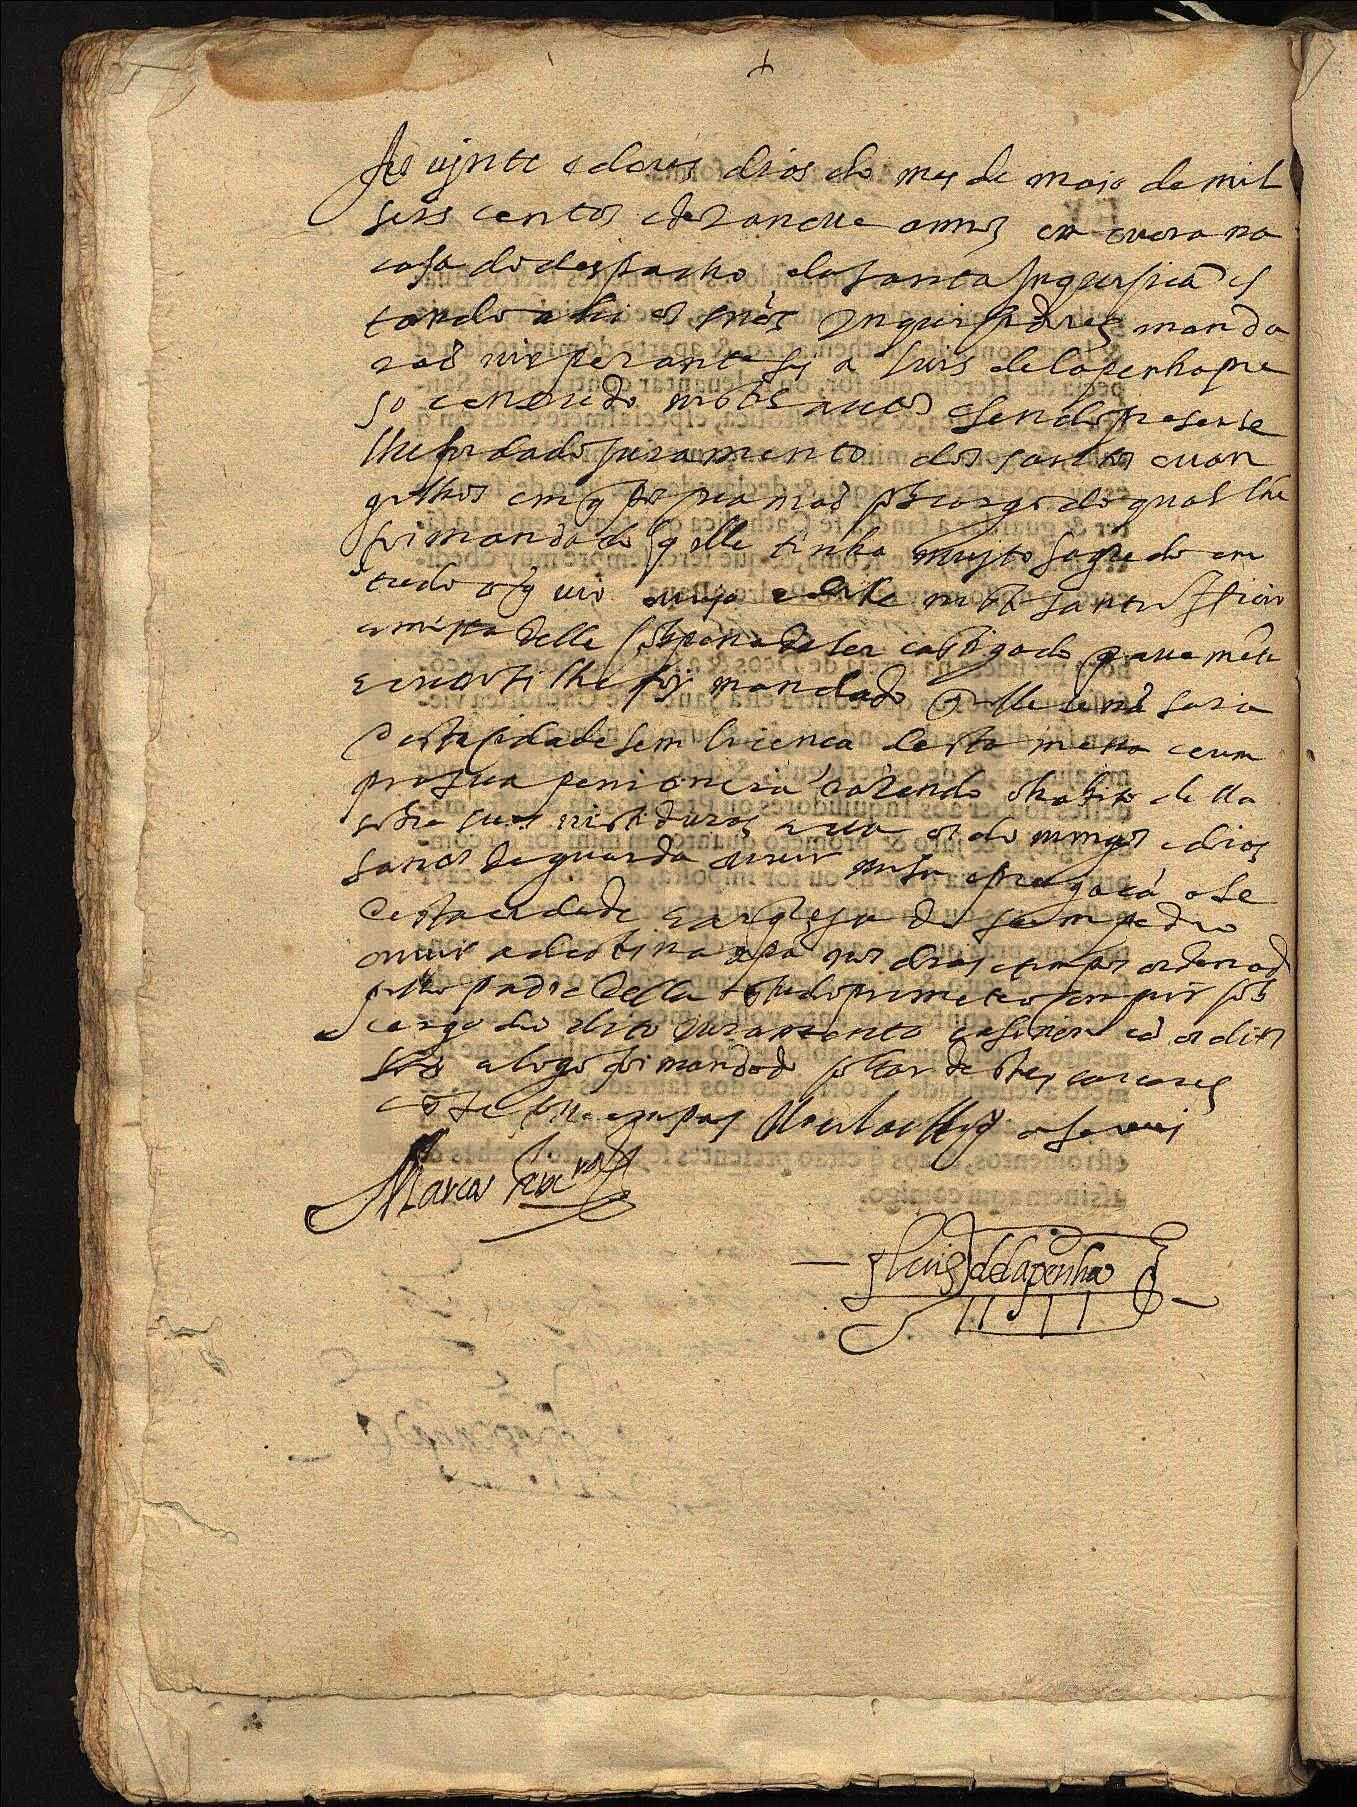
Ao vjnte e dous dias do mes de Maio de mil
seiscentos e dezanoue annos em evora na
casa do despacho da Santa Jnquisicã es
tando ahi os Snōs Jnquisidores manda
raõ vir perante sy Luis de la penha pre
so conteudo nestes autos e sendo presente
lhe foi dado Juramento dos santos euan
gelhos em q̄ pos sua maõ sob cargo do qual lhe
foi mandado q̄ elle tinha mujto Sagredo em
tudo o q̄ uio ouujo e disse neste Santo officio
com essa delle sob pena de ser castigado grauemēte
e outrosi lhe foy mandado q̄ elle se nã saia
desta Cidade sem licença desta messa cum
pra sua penitencia trazendo o habito della
sobre suas vistiduras e ua os domingos e dias
santos de guarda ouuir misa e pregaçã a Se
desta cidade e a igreja de Sam pedro
ouuir a doutrina xpã nos dias e tempos ordenado
pello padre della q̄ tudo prometeo comprir sob
cargo do dito juramento e asinei cō os ditos
Snrs e logo foi mandado soltar destes carceres
e q̄ se fosse em pas Niculau Nigr o screvi
Marcos Teixra
luis de la penha
